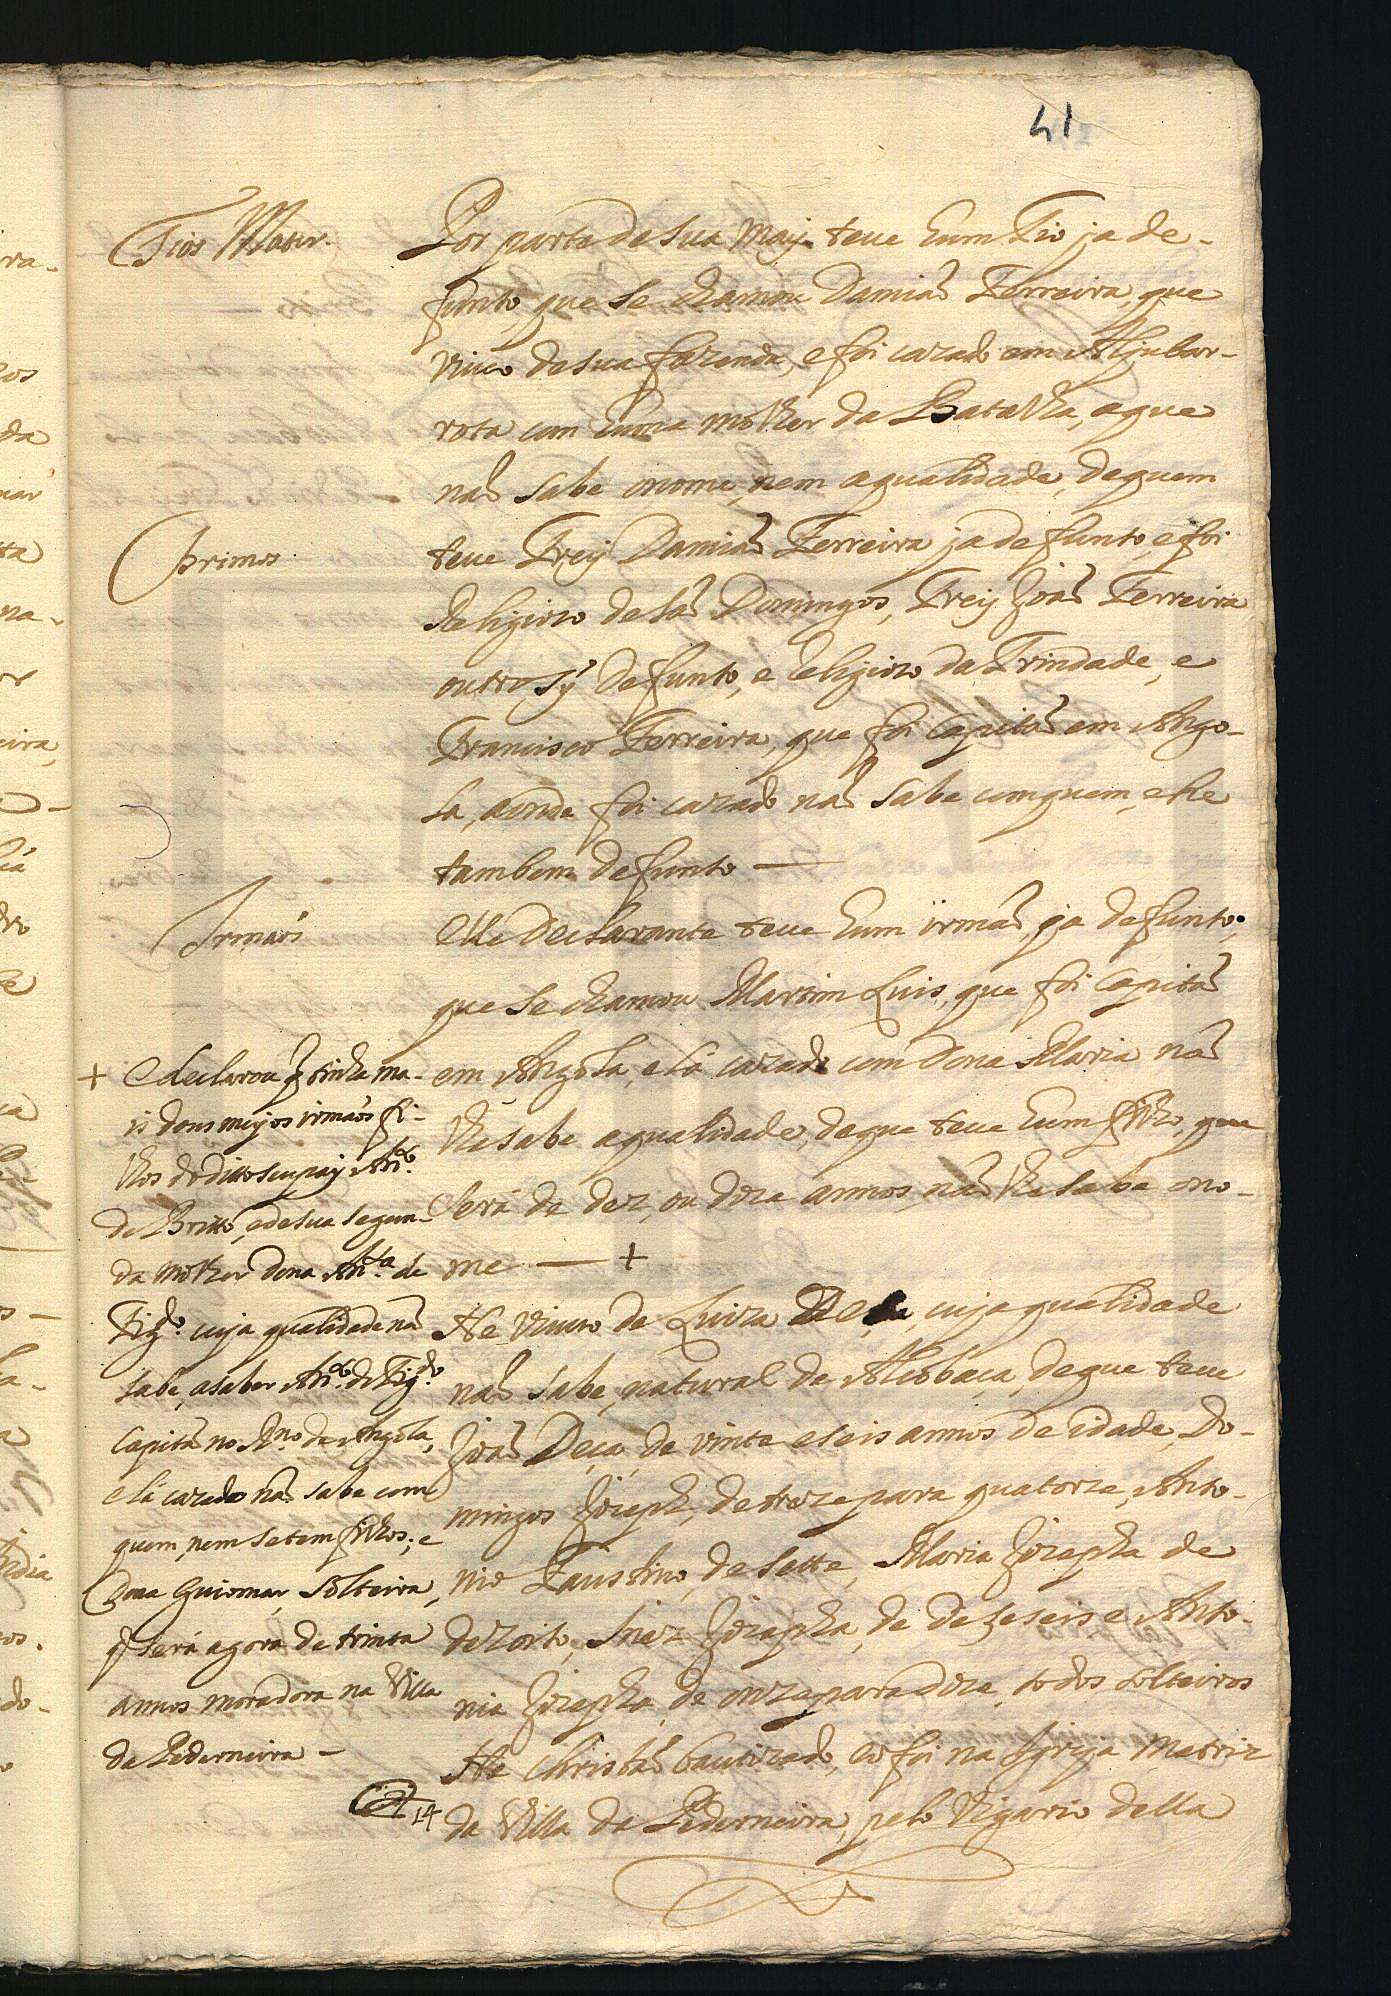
+ e declarou q̄ tinha ma
is dous meyos irmaõs fi
lhos do ditto seu pay Anto.
de Britto, e de sua segun
da molher Dona Ant.a de
Figd.o cuja qualidade naõ
sabe, a saber Anto. de Figd.o
capitaõ no Rn.o de Angola,
e lá cazado naõ sabe com
quem, nem se tem filhos; e
Dona Guiomar, solteira,
q̄ será agora de trinta
annos moradora na Villa
da Padarneira -
14
Tios Mater.
Por parte de sua may teue hum Tio ja de
funto, que se chamou Damiaõ Ferreira, que
viueo da sua fazenda, e foi cazado em Aljubar
rota com huma molher da Batalha, a que
naõ sabe o nome, nem a qualidade, de quem
primos
teue Frey Damiaõ Ferreira ja defunto, e foi
Religiozo de Saõ Domingos, Frey Joaõ Ferreira
outrosy Defunto, e Religiozo da Trindade, e
Francisco Ferreira, que foi Capitaõ em Ango
la, aonde foi cazado naõ sabe com quem, e he
tambem defunto
Irmaõs
Elle Declarante teue hum irmaõ, ja defunto,
que se chamou Martim Luis, que foi capitaõ
em Angola, e lá cazado com Dona Maria naõ
lhe sabe a qualidade, de que teue hum filho, que
será de dez, ou doze annos, naõ lhe sabe o no
me - +
He viuuo de Luiza de eça, cuja qualidade
naõ sabe, natural de Alcobaça, de que teue
Joaõ Deça de vinte e seis annos de idade, Do
mingos Jozeph, de treze para quatorze, Anto
nio Faustino, de sette, Maria Jozepha de
dezoito, Inez Jozepha, de dezaseis, e Anto
nia Jozepha, de onze para doze, todos solteiros
He christaõ bautizado, e o foi na Igreja matriz
da Villa da Pederneira, pelo Vigario della
